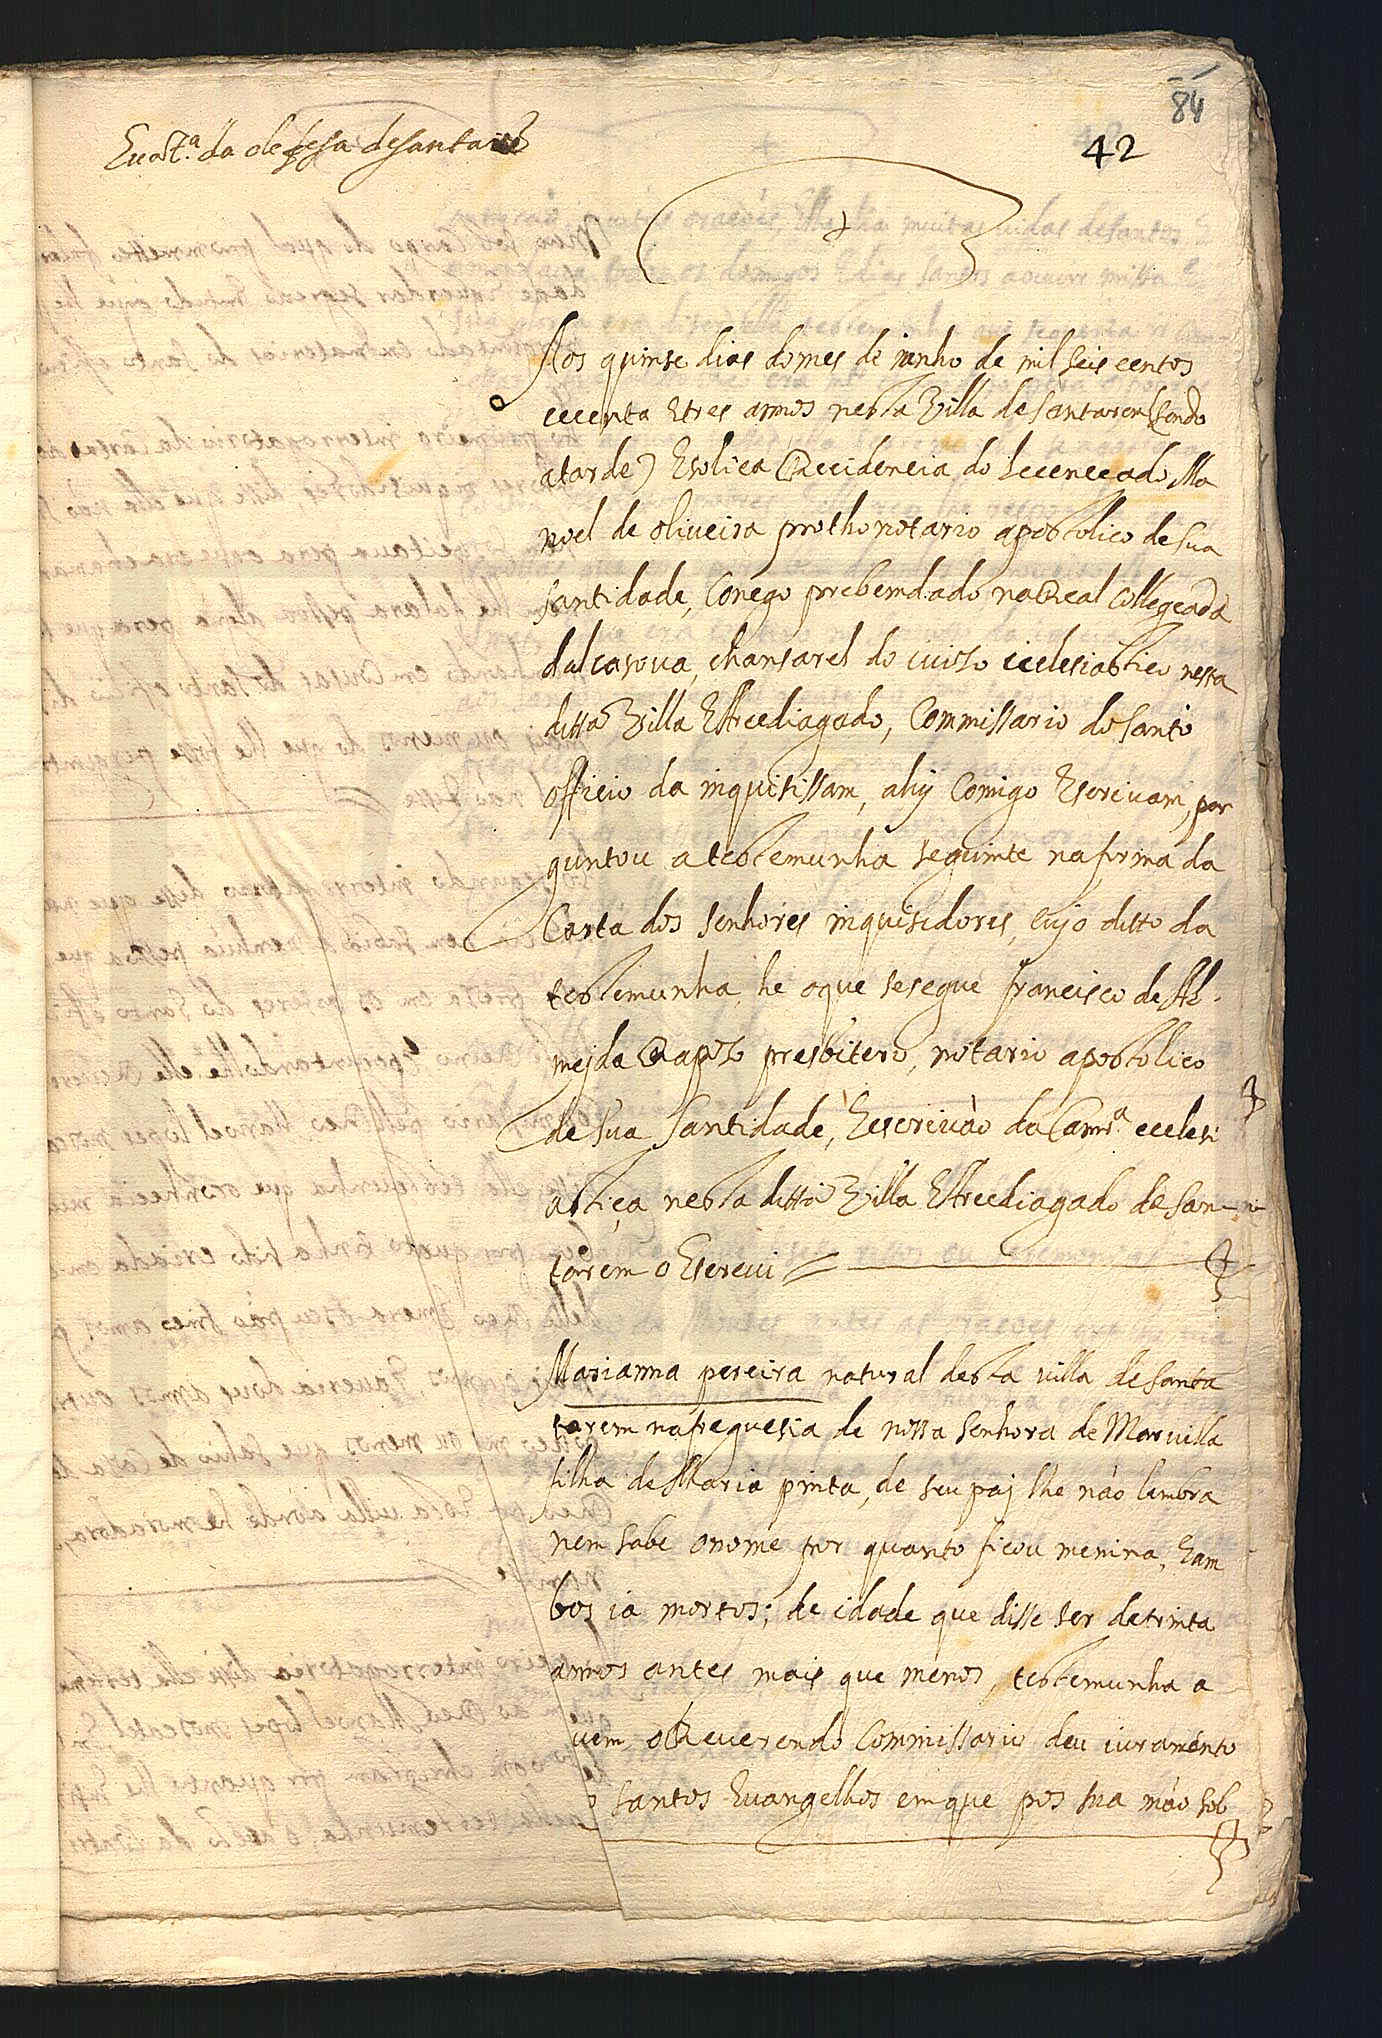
hua t.a da defesa de Santarē
Aos quinse dias do mes de iunho de mil seiscentos
cecenta E tres annos nesta Villa de Santarem (sendo
a tarde) Esolica Recidencia do Lecenceado Ma
noel de oliueira prothonotario apostolico de sua
Santidade, Conego prebemdado na Real collegeada
dalcasoua, chansarel do iuizo ecclesiastico nesta
ditta Villa E Arcediagado, Commissario do Santo
officio da inquisissam, ahy Comigo Escriuam, por
guntou a testemunha seguinte na forma da
Carta dos Senhores inquisidores, cujo ditto da
testemunha he o que se segue francisco de Al
mejda Rapozo presbitero, notario apostolico
de Sua Santidade, Escriuaõ da Camra. ecclesi
astica nesta ditta Villa E Arcediagado de San
tarem o Escreui
Marianna pereira natural desta uilla de Santa
tarem na freguesia de nossa Senhora de Maruilla
filha de Maria pinta, de seu paj lhe não lembra
nem sabe o nome por quanto ficou menina, E am
bos ia mortos; de idade que disse ser de trinta
annos antes mais que menos, testemunha a
uem o Reuerendo Commissario deu iuramento
Santos Euangelhos em que pos sua mão sob
